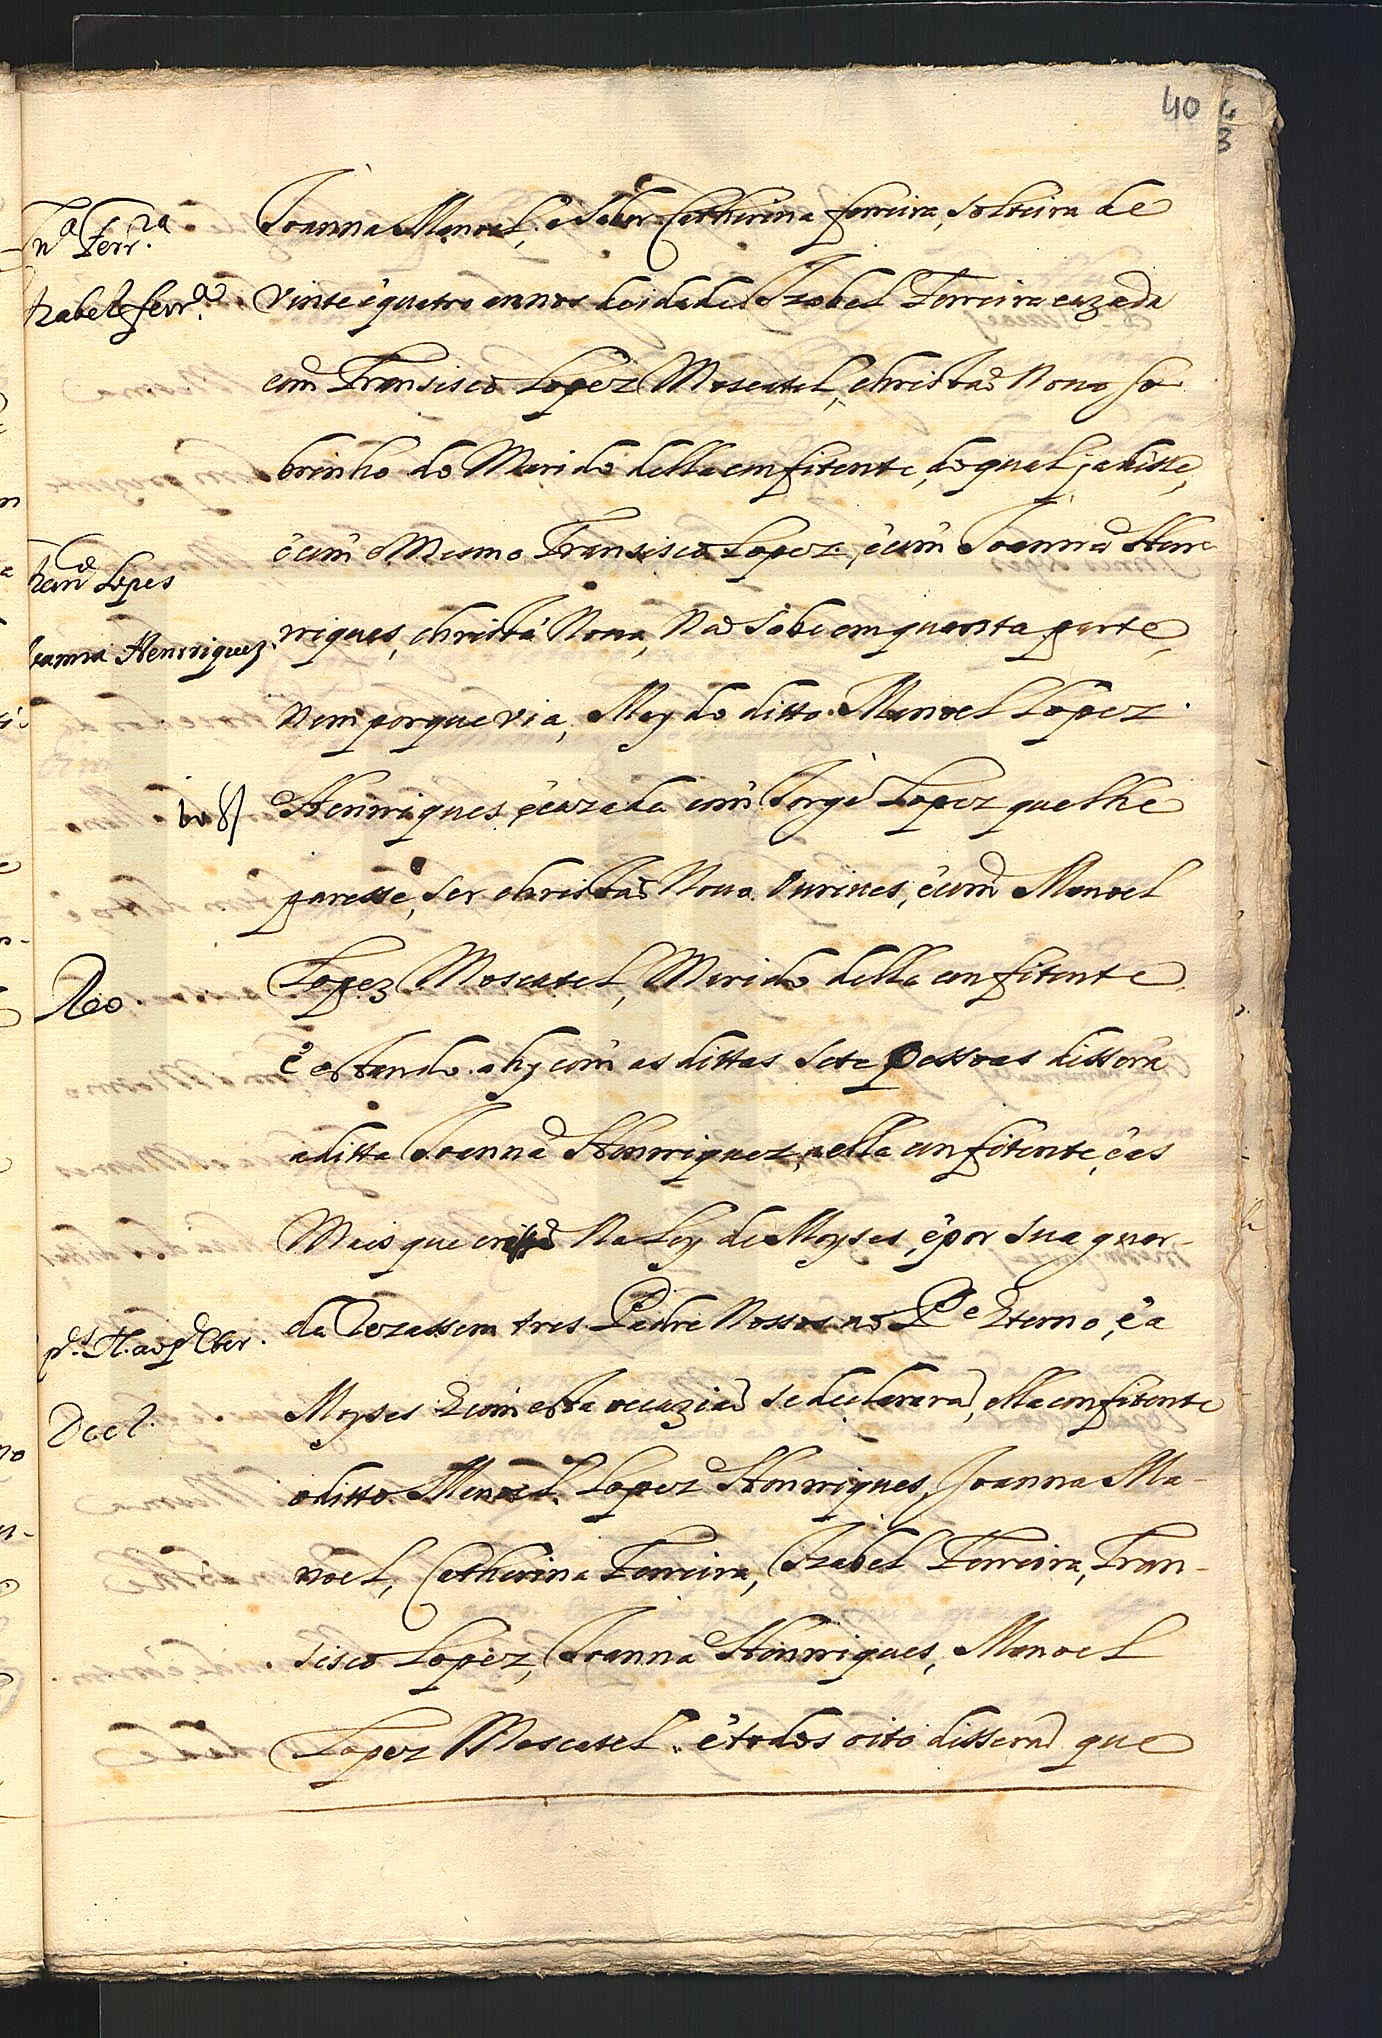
Ioanna Manoel, a saber Catherina ferreira, solteira de
Cna Ferr.ra
Izabel ferr.a
vinte e quatro annos de idade e Izabel Ferreira cazada
com Francisco Lopez MoscateL, christaõ Nouo So
brinho do Marido della confitente, do qual ja disse,
e com o Mesmo Francisco Lopez, e com Ioanna Hen
ranco Lopes
rriques, christā Noua, Nā sabe em quanta parte,
oanna Henrriques
nem por que via, May do ditto Manoel Lopez
Henrriques, e cazada com Iorge Lopez que lhe
paresse, ser christaõ Nouo ouriues, e com Manoel
Lopez MoscateL, Marido della confitente
Reo
e estando ahy com as dittas sete pessoas dissera
a ditta Ioanna Henrriquez, a ella confitente, e as
Mais que cri__ Na Ley de Moyses, e por sua guar
da Rezassem tres Padre Nossos ao Pe Eterno, e a
p.es N ao pe Eter.
Moyses E com esta occaziaõ se declararā, ella confitente
Decl.
o ditto ManoeL Lopez Henrriques, Joanna Ma
noeL, Cathrina Ferreira, Izabel Ferreira, Fran
cisco Lopez, Ioanna Henrriques, ManoeL
Lopez MoscateL e todos outro disserā que
